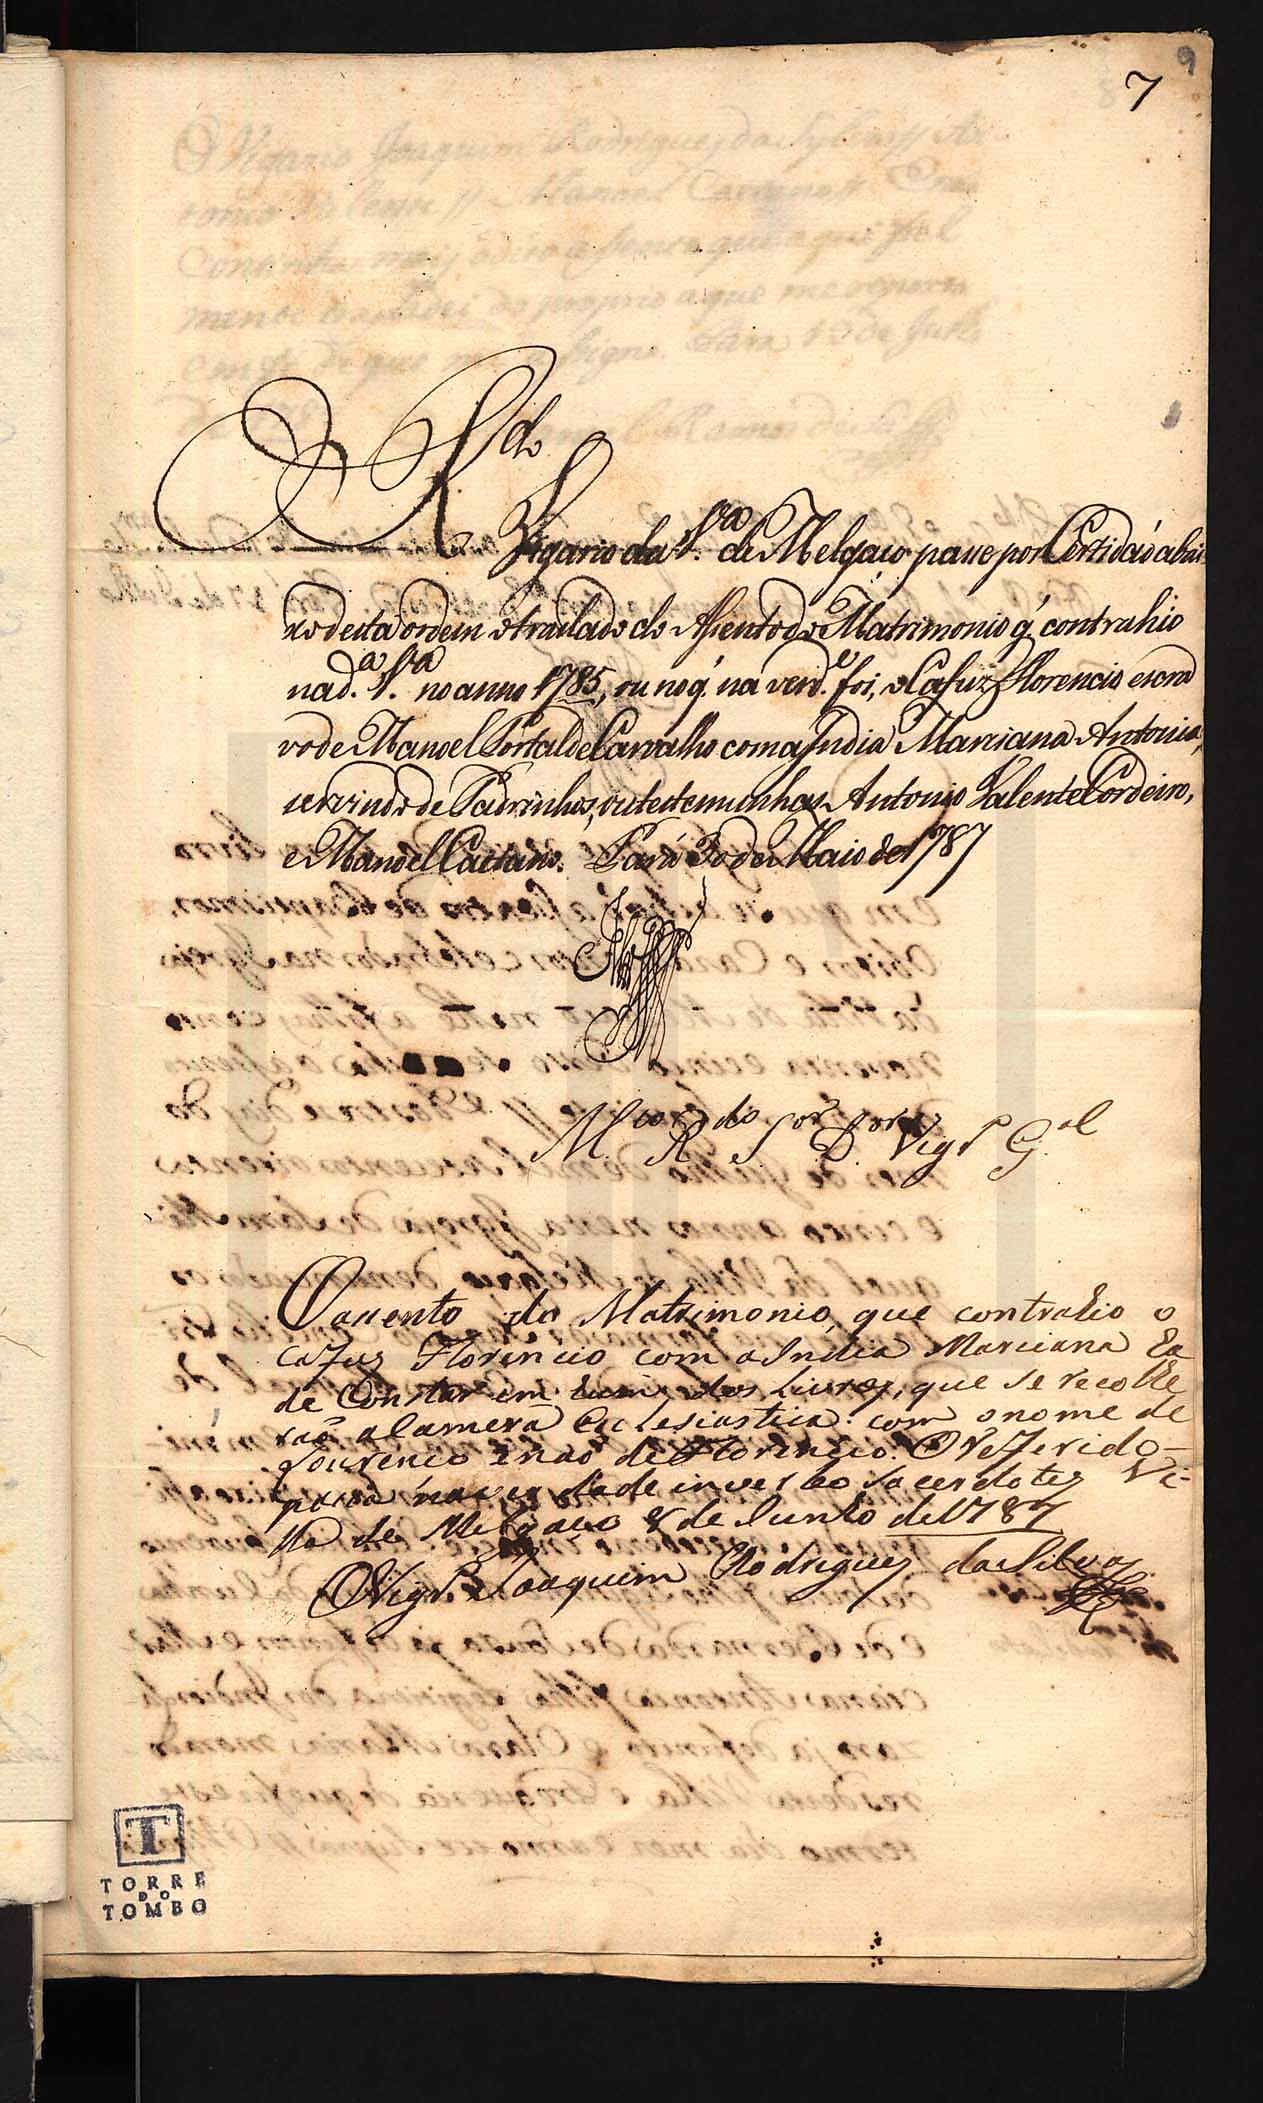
7
O R.do Vigario da V.a de Melgaço passe por Certidaõ abai
xo desta ordem o traslado do Assento de Matrimonio q̄ contrahio
na d.a V.a no anno 1785, ou no q̄ na verdade foi, Cafuz Florencio escra
vo de Manoel Portal de Carvalho com a Jndia Mariana Antonia,
servindo de Padrinhos, ou testemunhas Antonio Valente Cordeiro,
e Manoel Caetano. Pará 30 de Maio de 1787
O assento do Matrimonio, que contrahio o
cafus Florencio com a Jndia Mariana ha
de Constar em hum dos Livros, que se recolhe
raõ a camera Ecclesiastica com o nome de
Lourenço indo de Florencio. O referido
pesoa na verdade de inverbo Sacerdotes Vi
lla de Melgaço 8 de Iunho de 1787
O Vig.ro Ioaquim Rodrigues da Silva
